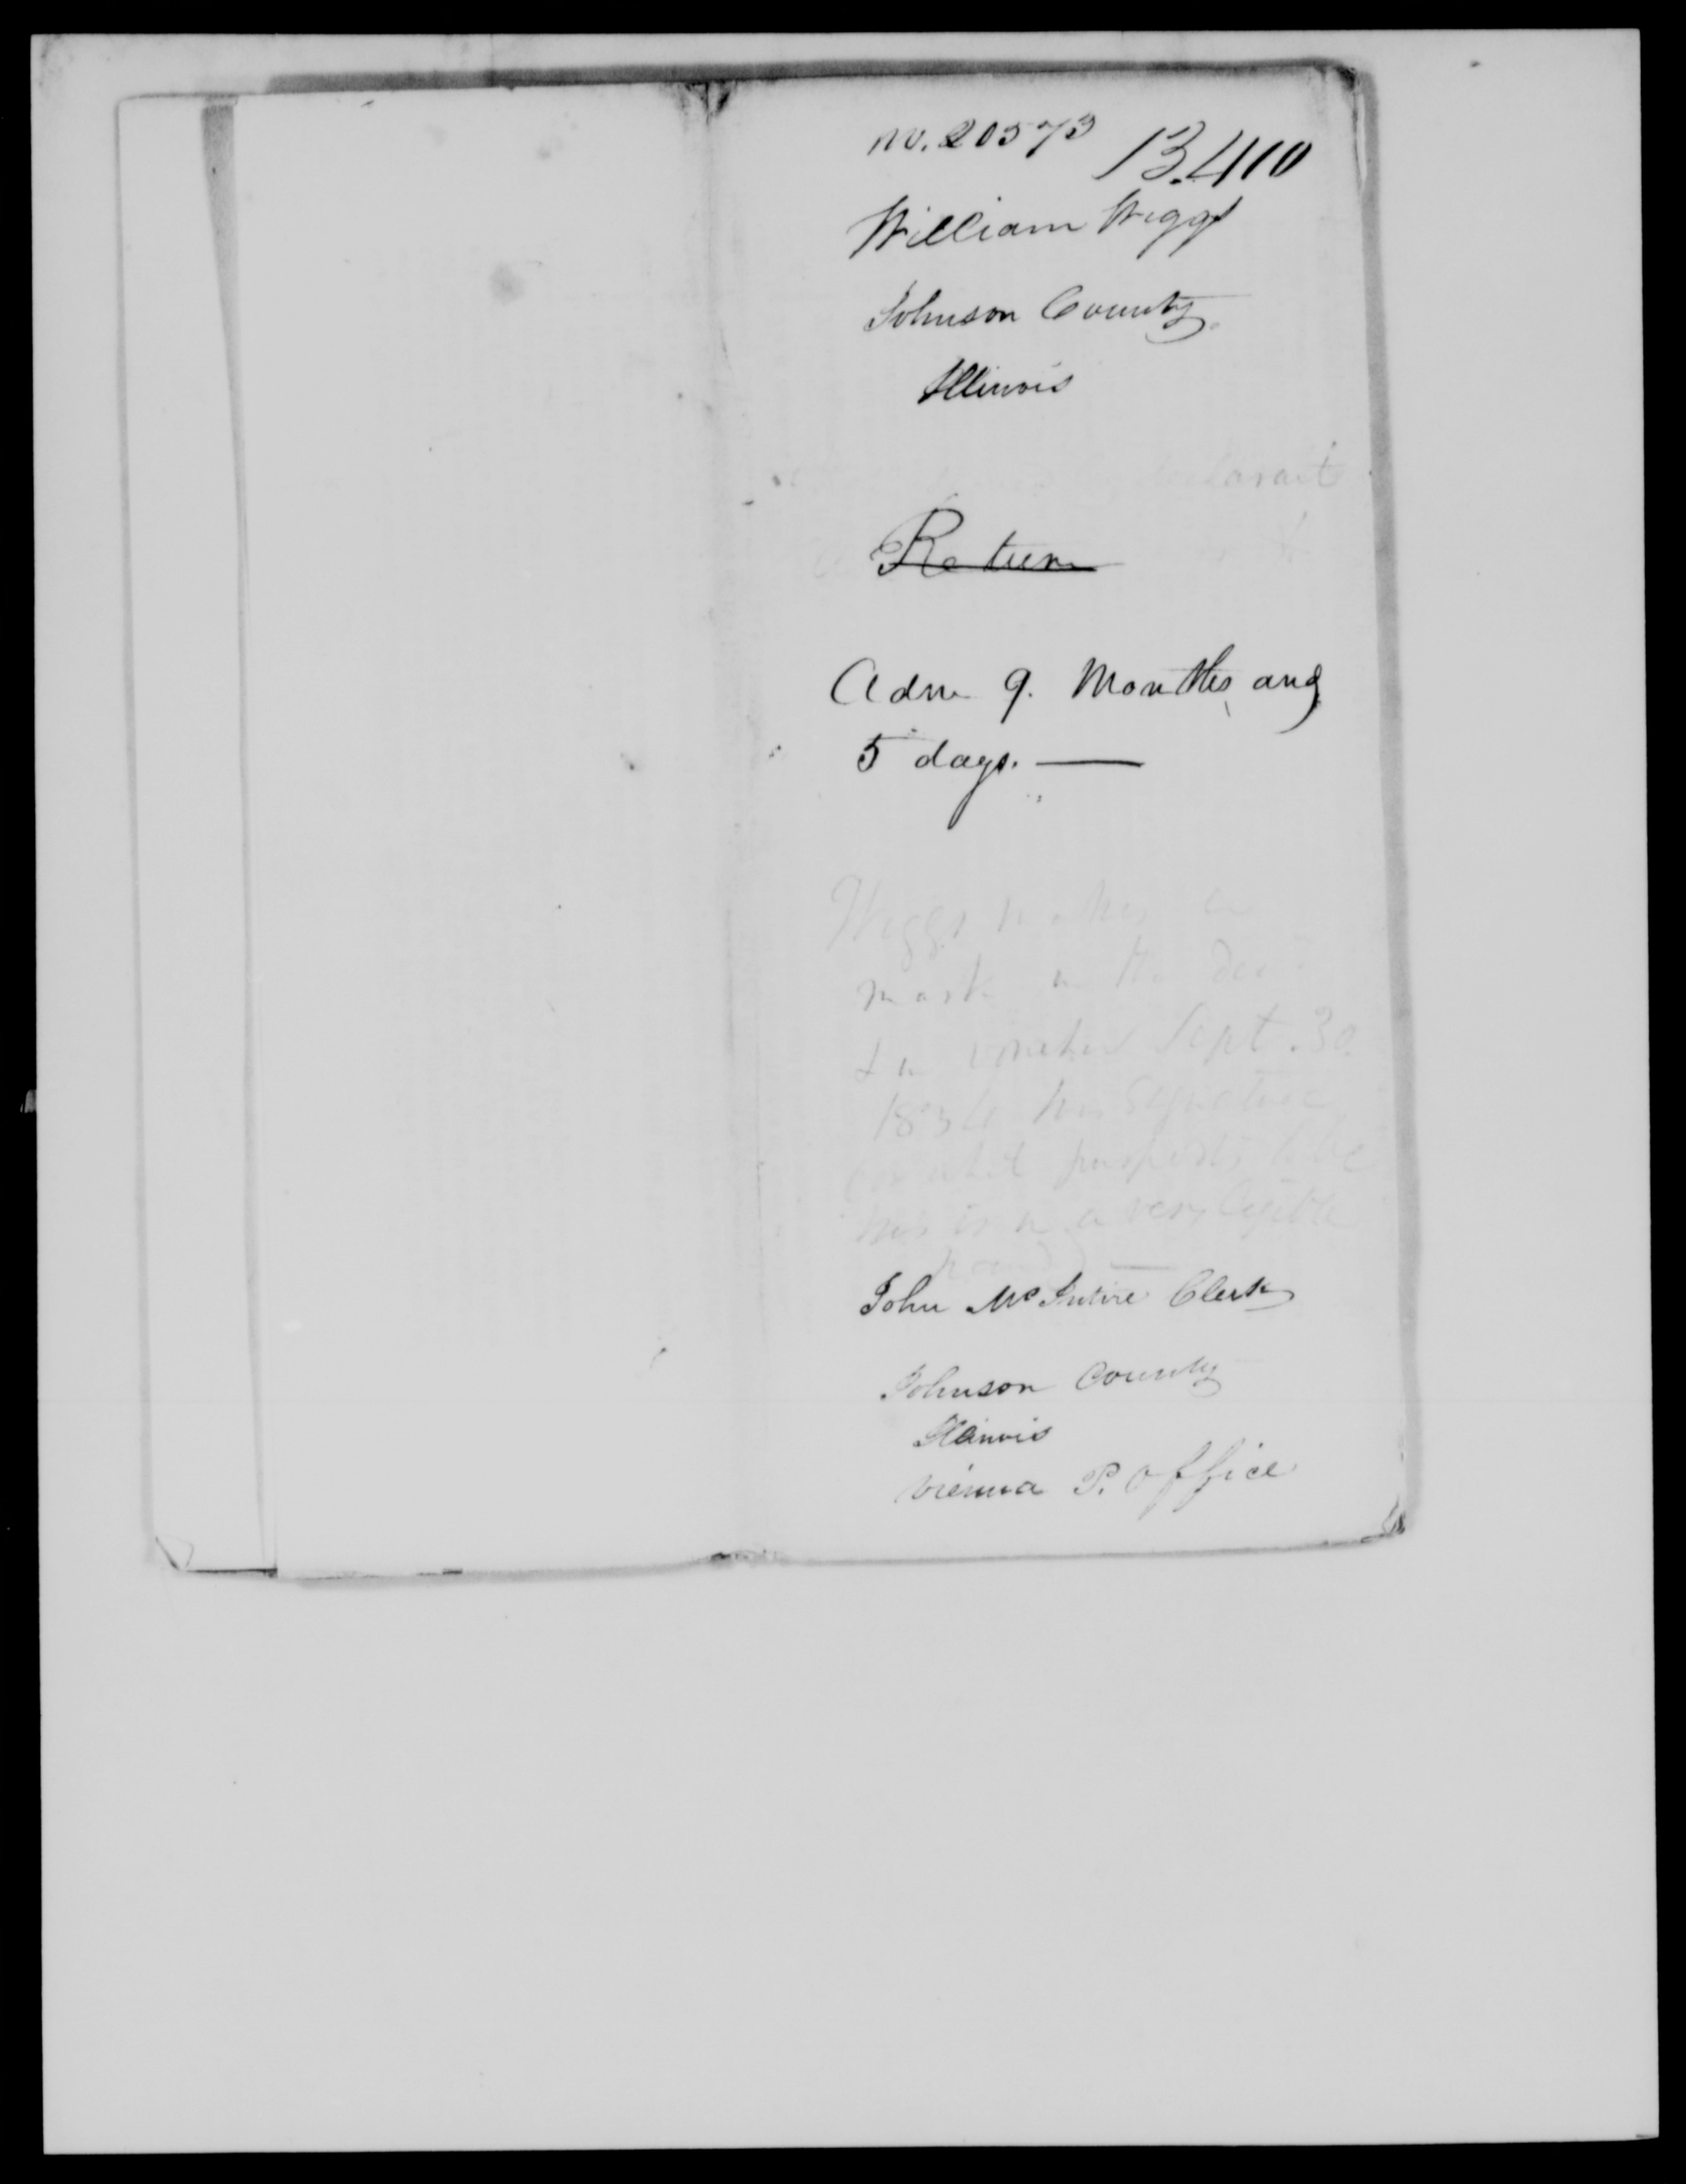W. 20573
13. 410
William Wiggs
Johnson County
Illinois
Return
 [illegible]   [very light:  declarant]
Adm  9. Months and 5 days.
[very light] Wiggs makes his
mark in the  [illegible]
in rated Sept. 30
1834 his signature
[illegible] purports to be 
his is in a very legible
hand [end very light]
John McIntire Clerk
Johnson County
Illinois
Vienna P. Office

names: John Mc Intire, William Wiggs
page: 4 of 31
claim: survivor's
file: S. 32608, William Wiggs, N.C.